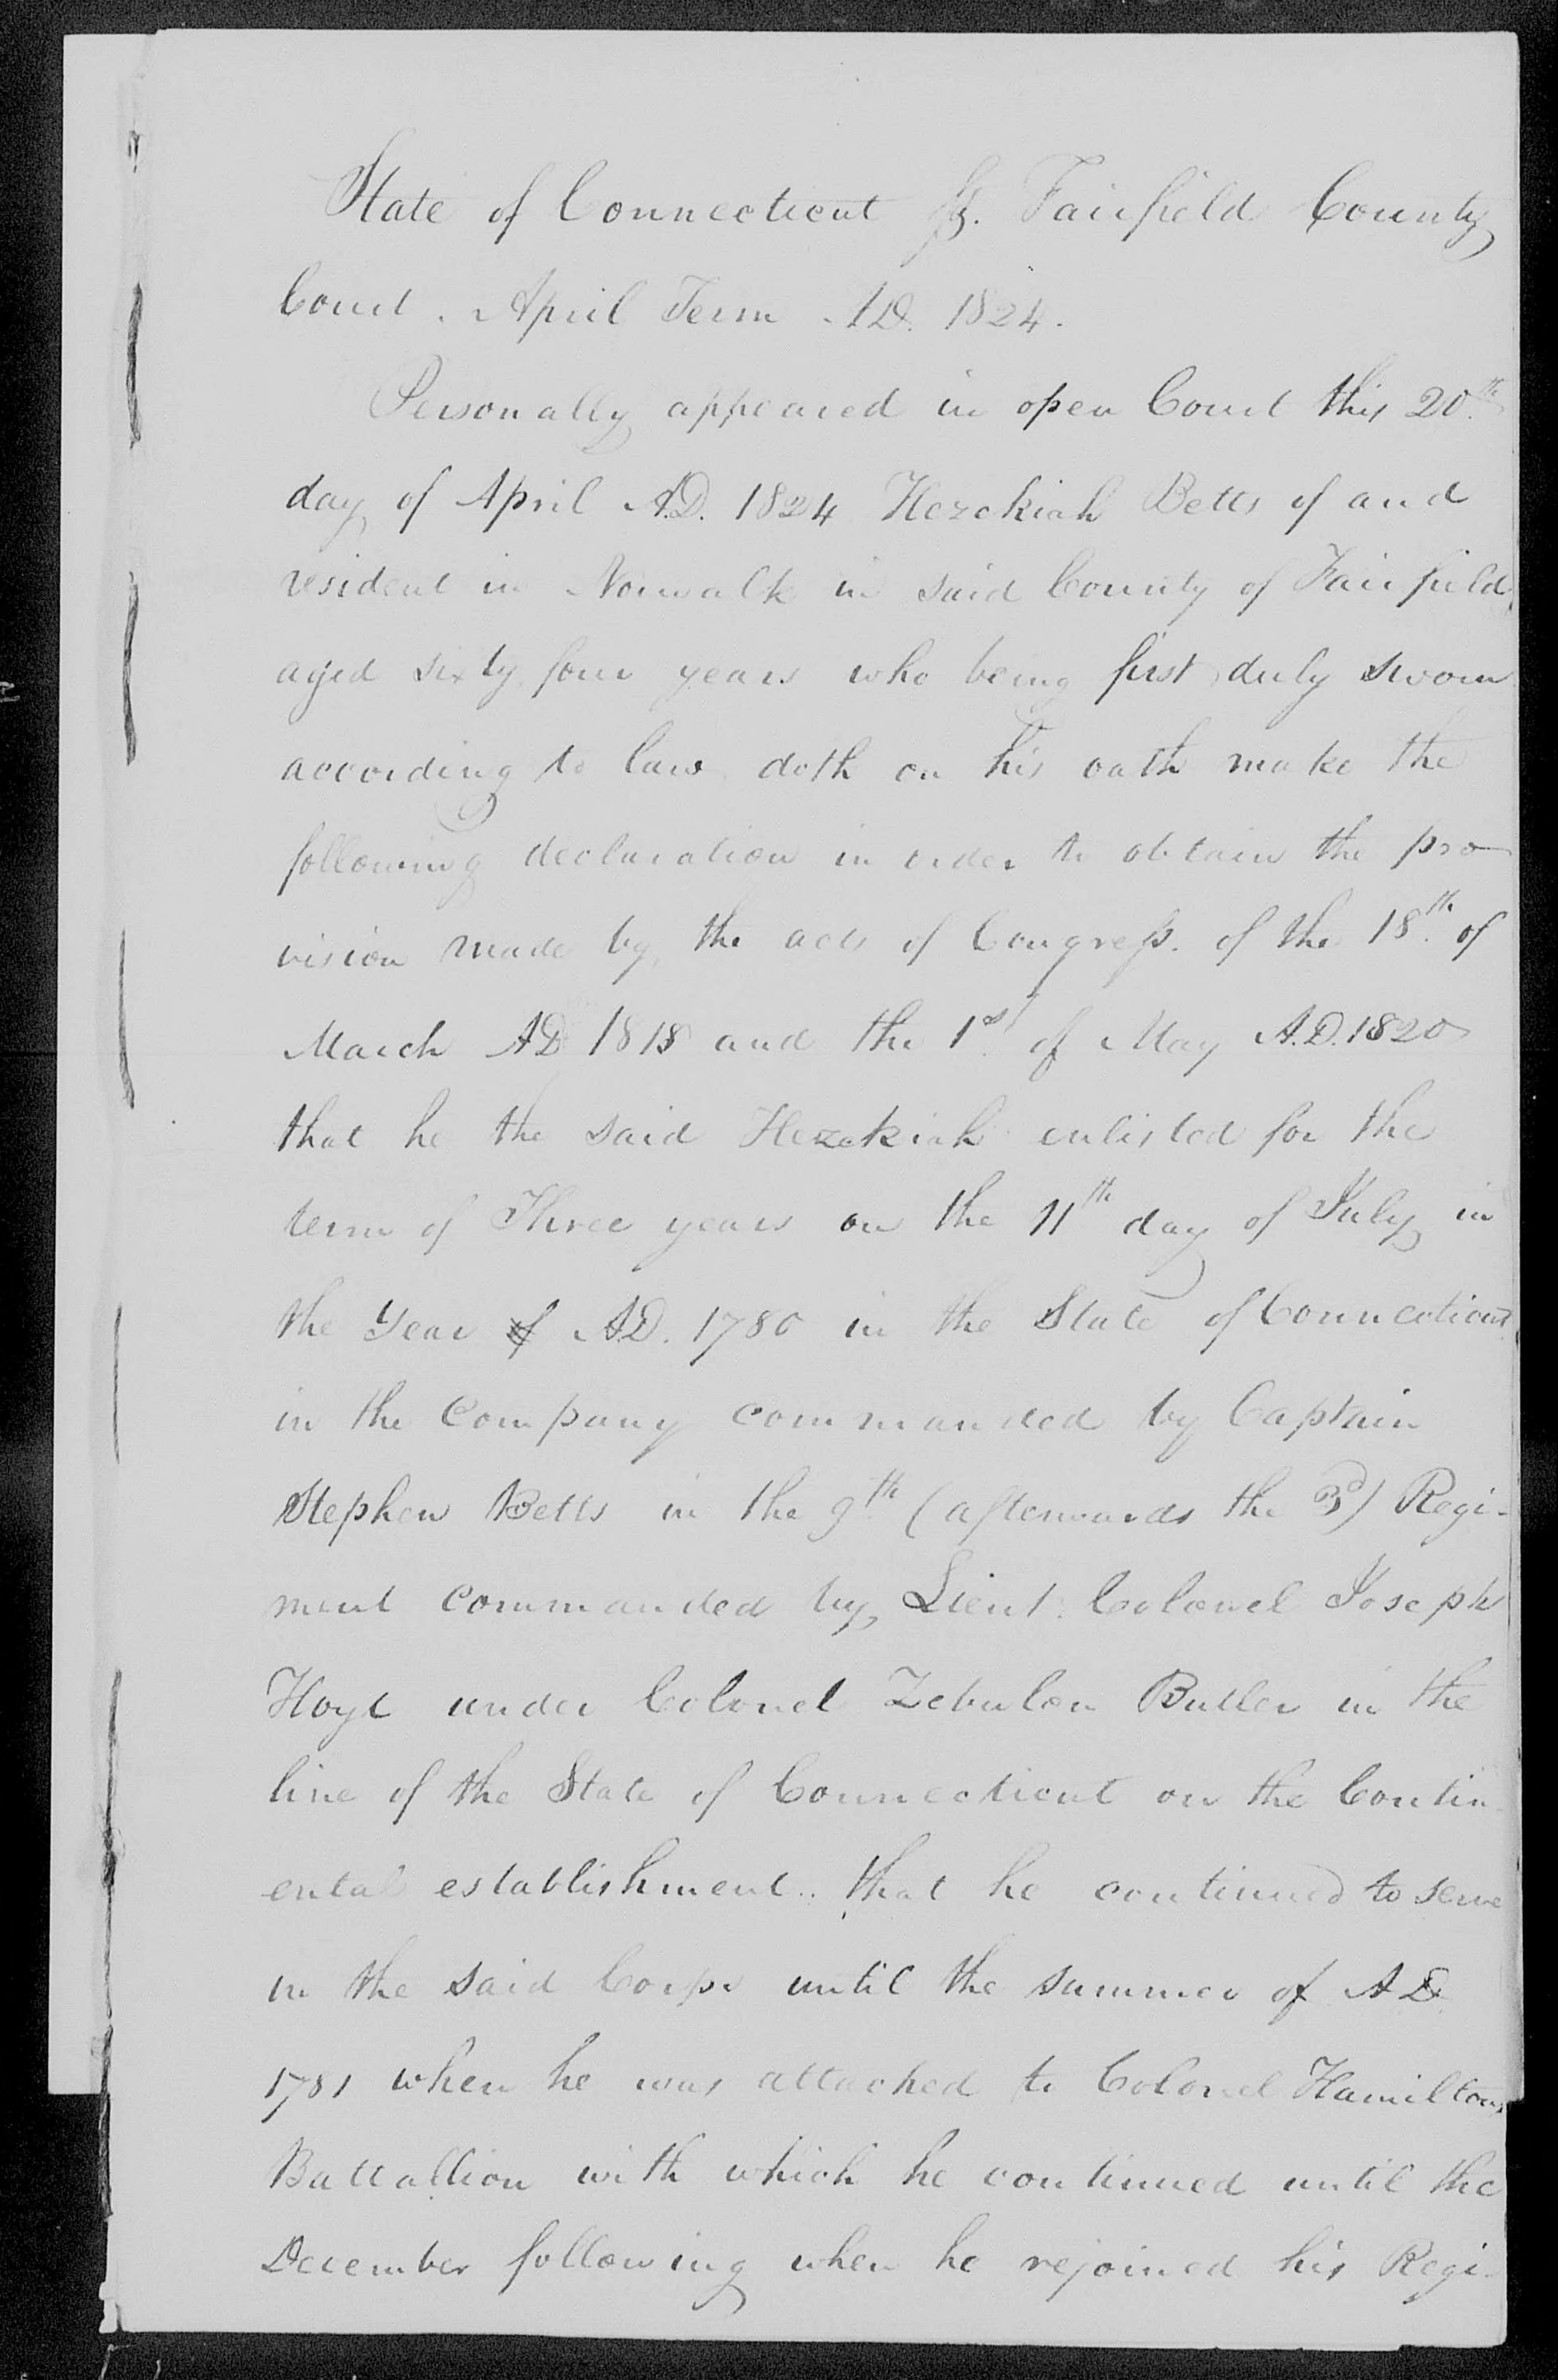State of Connecticut ss. Fairfield County Court, April Term AD 1824
Personally appeared in open Court this 20th day of April AD 1824 Hezekiah Betts of and resident in Norwalk in said County of Fairfield aged sixty four years who being first duly sworn according to law, doth on his oath make the following declaration in order to obtain the provision made by the acts of Congress of the 18th of March AD 1818 and the 1st of May AD 1820 that he the said Hezekiah enlisted for the term of three years on the 11th day of July in the year AD 1780 in the State of Connecticut in the company commanded by Captain Stephen Betts in the 9th (afterwards the 3d) Regiment commanded by Lieut Colonel Joseph Hoyt under Colonel Zebulon Butler in the line of the State of Connecticut on the Continental establishment, that he continued to serve in the said corps until the summer of AD 1781 when he was attached to Colonel Hamiltons Battalion with which he continued until the December following when he rejoined his Regi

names: Zebulon Butler, Hezekiah, Stephen Betts, Hezekiah Betts, Joseph Hoyt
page: 51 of 61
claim: widow's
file: W. 29,929, Hezekiah Betts, Conn.